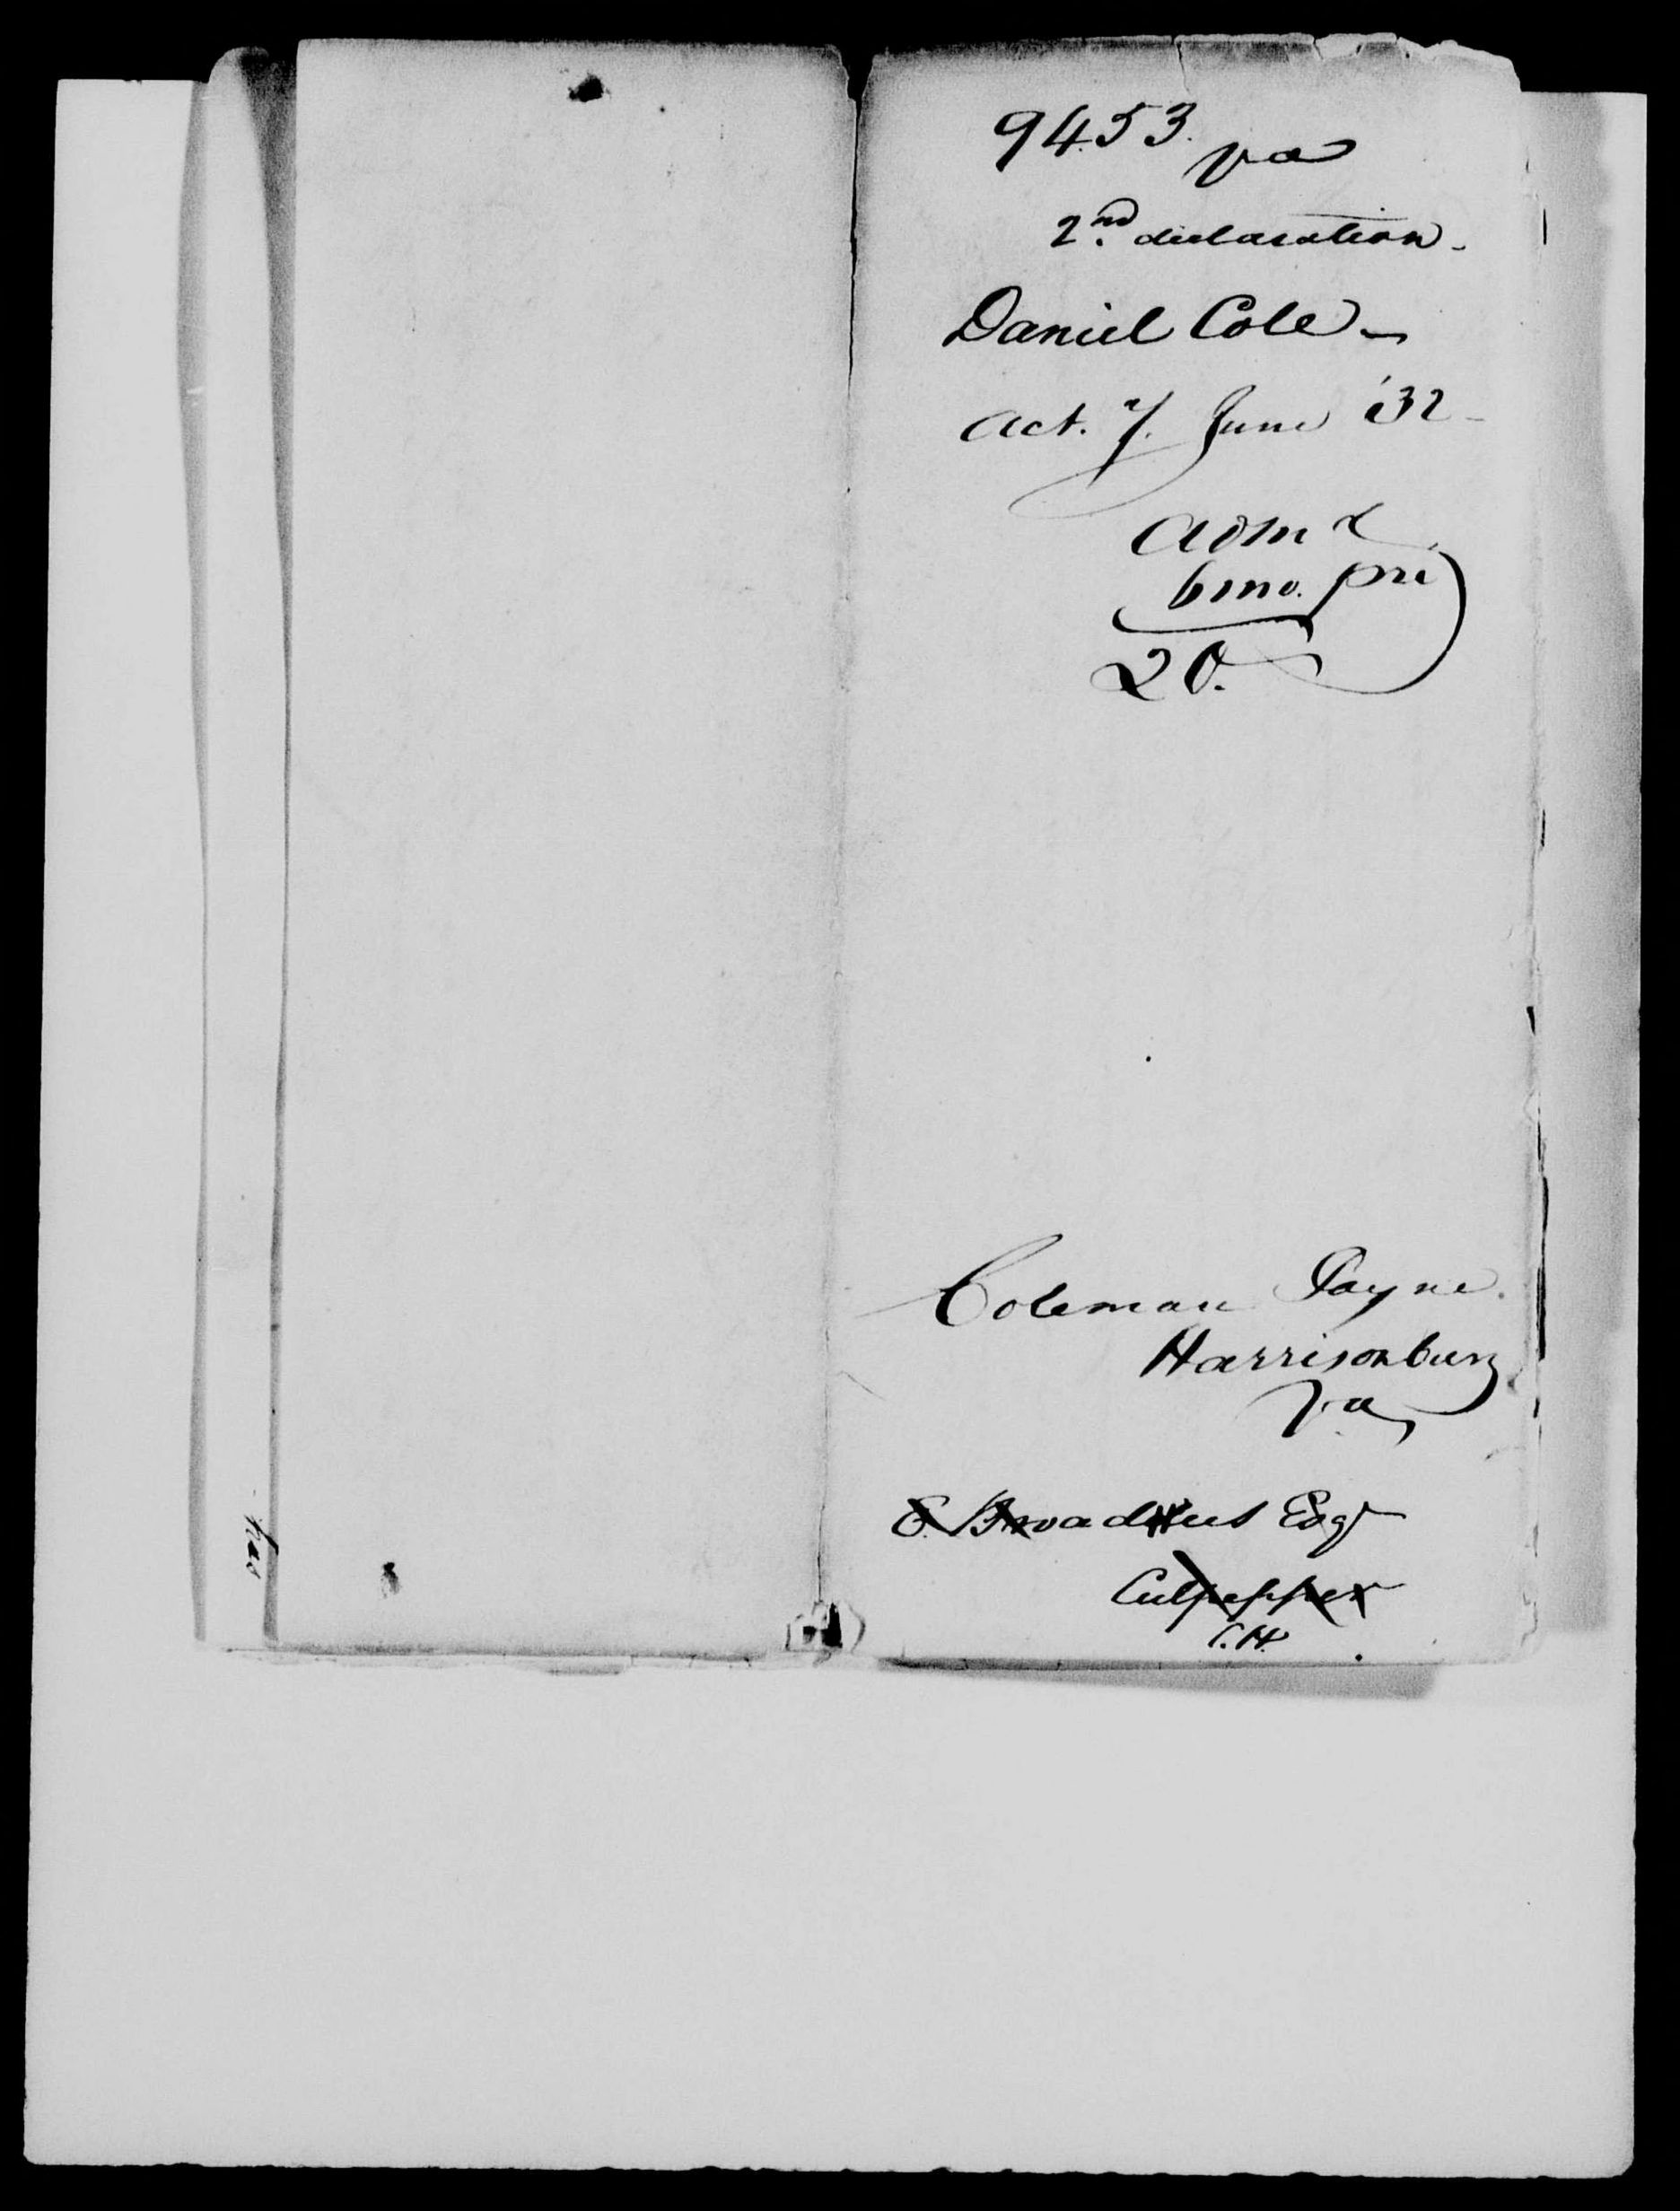9453
Va
2nd declaration
Daniel Cole
Act 7 June '32
[illegible - aom?]
[illegible - bino. pre?]
20.
Coleman Payne
Harrisonburg
Va
[crossed out] E Broadus Esq
[crossed out] Culpepper
C.H.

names: E Broadus, Daniel Cole, Coleman Payne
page: 3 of 61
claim: survivor's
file: S. 8236, Daniel Cole, Va.